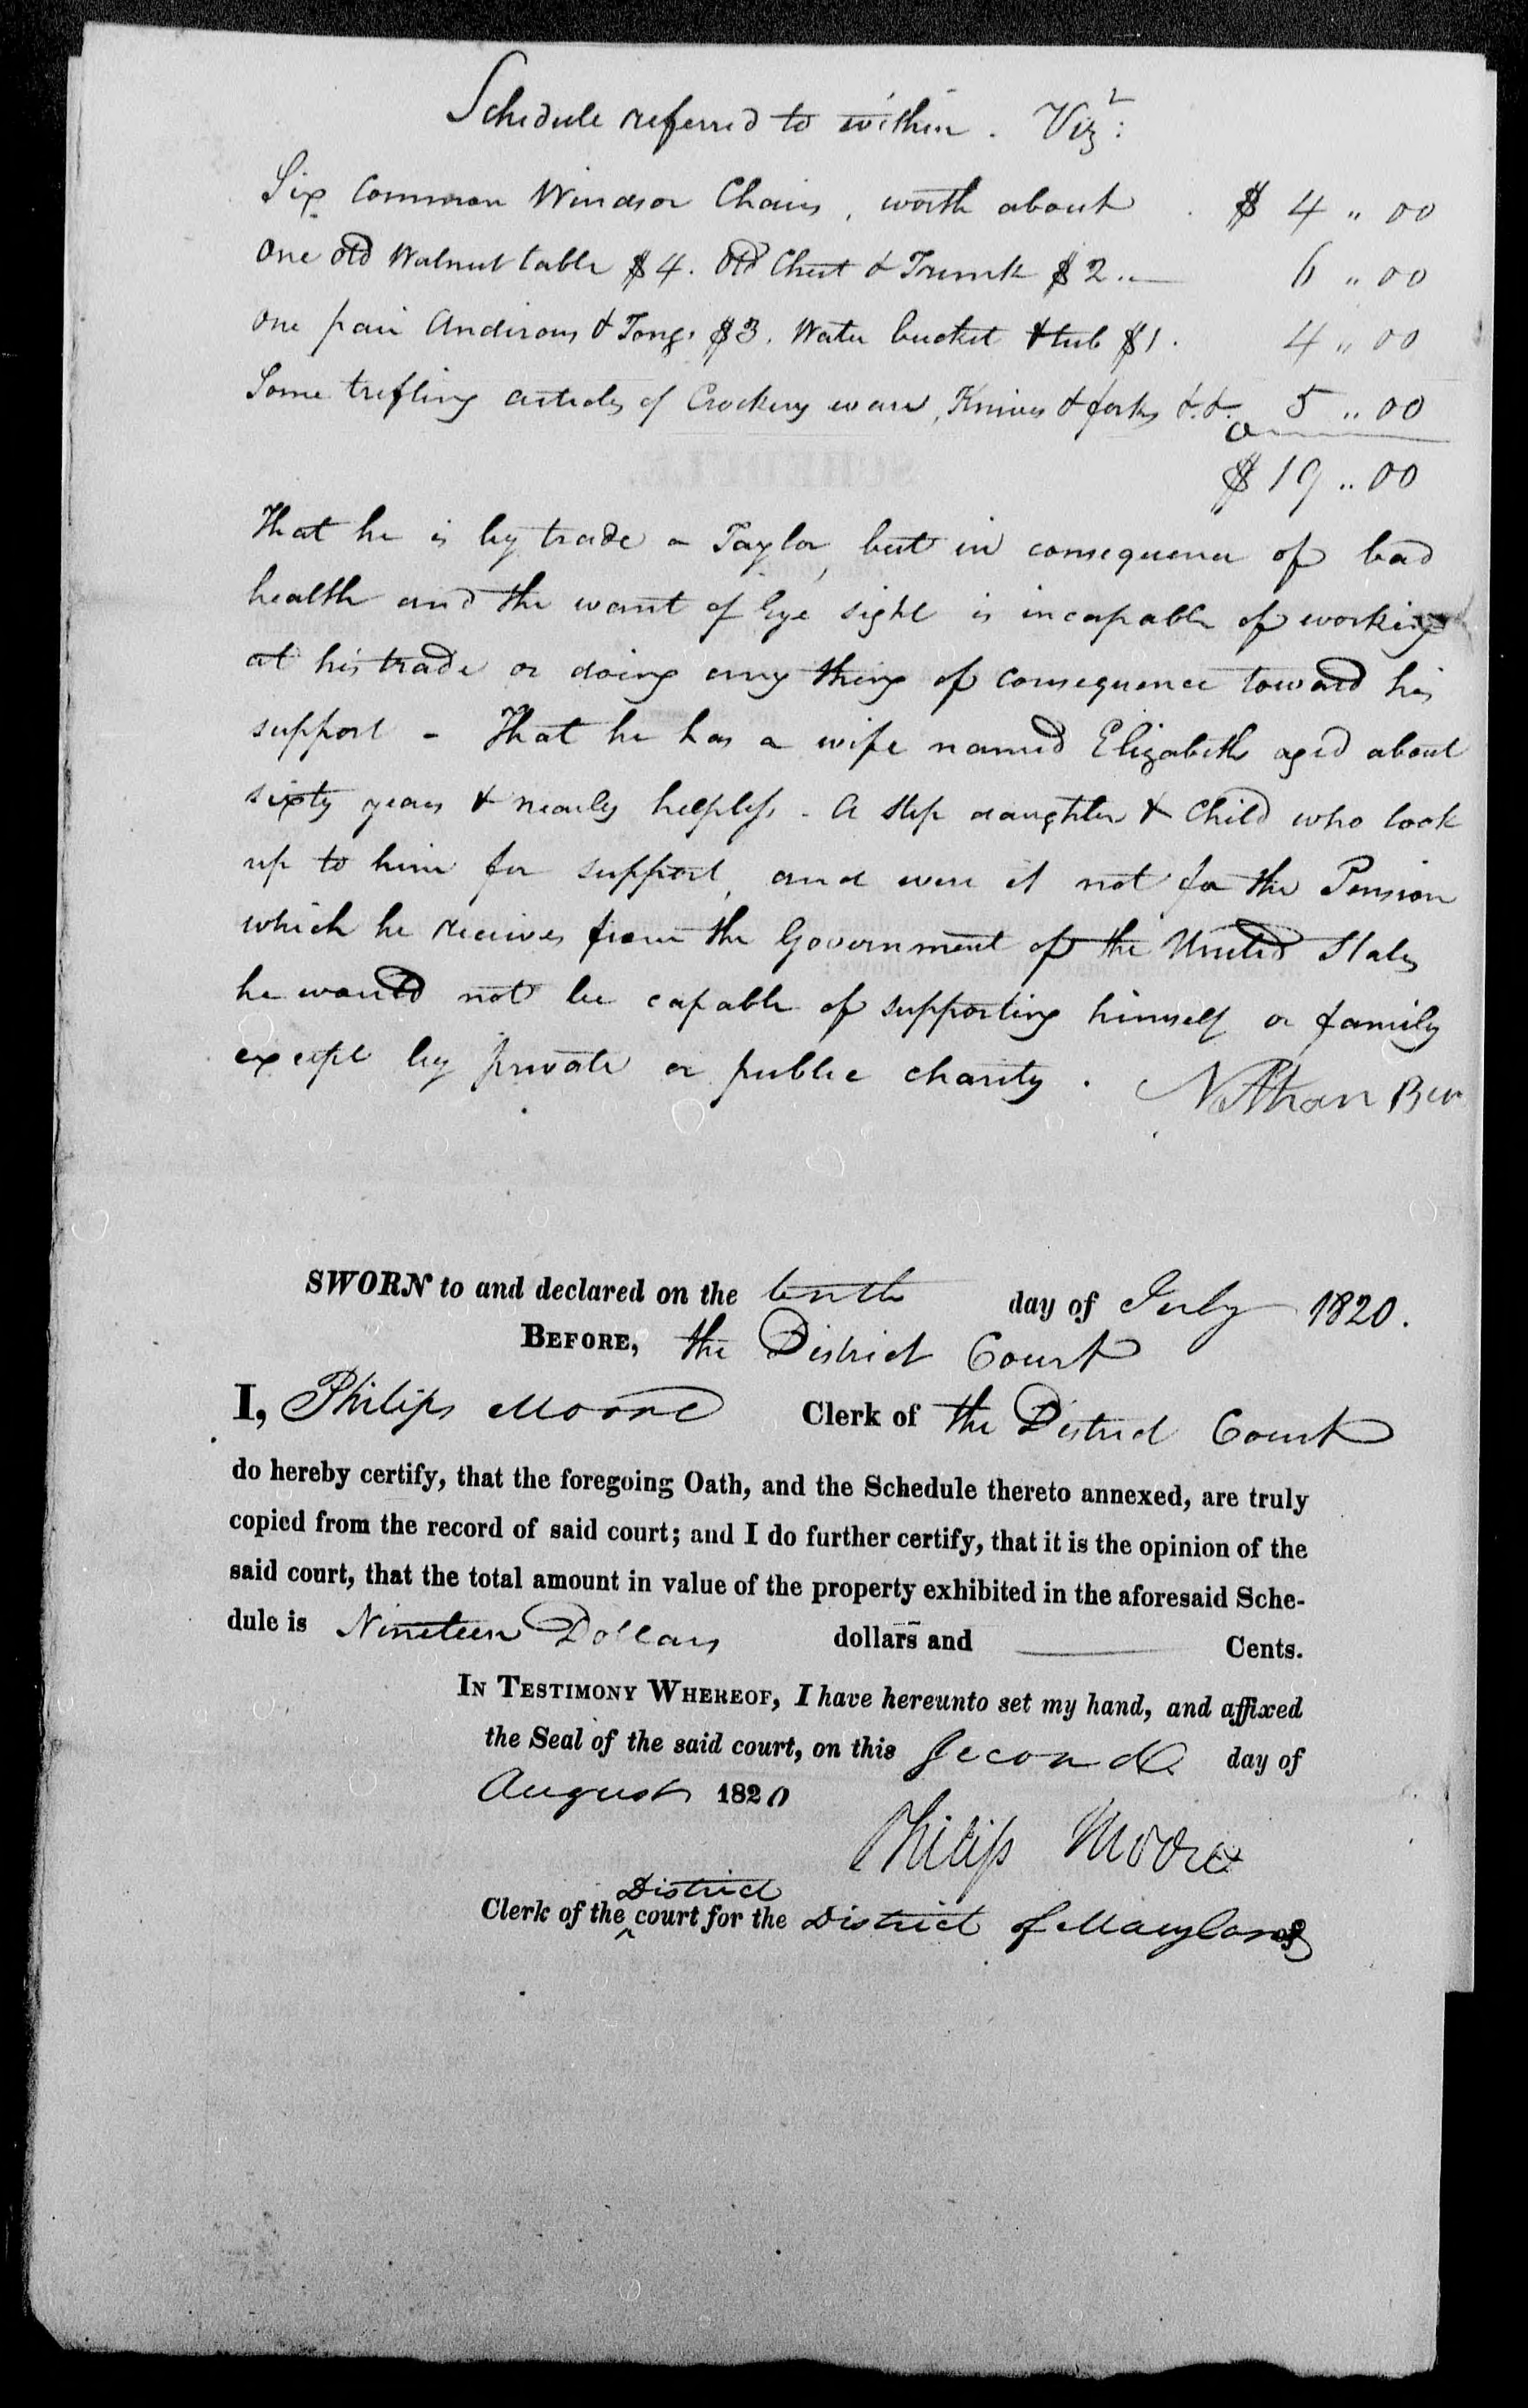Schedule referred to within. Viz.
Six Common Windsor Chairs, worth about $4.00
One old Walnut Table $4. Old Chest & Trunk $2, 
one pair Andirons & Tongs $3, Water Bucket & tub $1
Some trifling articles of crockery ware, Knives & forks &
4.00
6.00
4.00
5,00
---
$19.00
That he is by trade a Taylor, but in consequence of bad and the want of eye sight is incapable of working at his trade or doing any thing of consequence toward his
support - That he has a wife named Elizabeth aged about sixty years & nearly helpless, A step daughter & child who look
up to him for support, and were it not for the Pension which he receives from the Government of the United States
he would not be capable of supporting himself or family except by private or public charity
Nathan Ben
SWORN to and declared on the tenth
day of July 1820
BEFORE, the District Court
I, Philip Moore
Clerk of the District Court
do hereby certify, that the foregoing Oath, and the Schedule thereto annexed, are truly
copied from the record of said court; and I do further certify, that it is the opinion of the
said court, that the total amount in value of the property exhibited in the aforesaid Sche
due is Nineteen Dollars
dollars and -- Cents.
IN TESTIMONY WHEREOF, I have hereunto set my hand, and affixed the Seal of the said court, on this second day of August 1820

Philip Moore
Clerk of the District court for the District of Maryland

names: Taylor, Philip Moore, Philip Moore, Nathan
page: 9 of 20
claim: survivor's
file: S. 34674, Nathan Burk, Md.